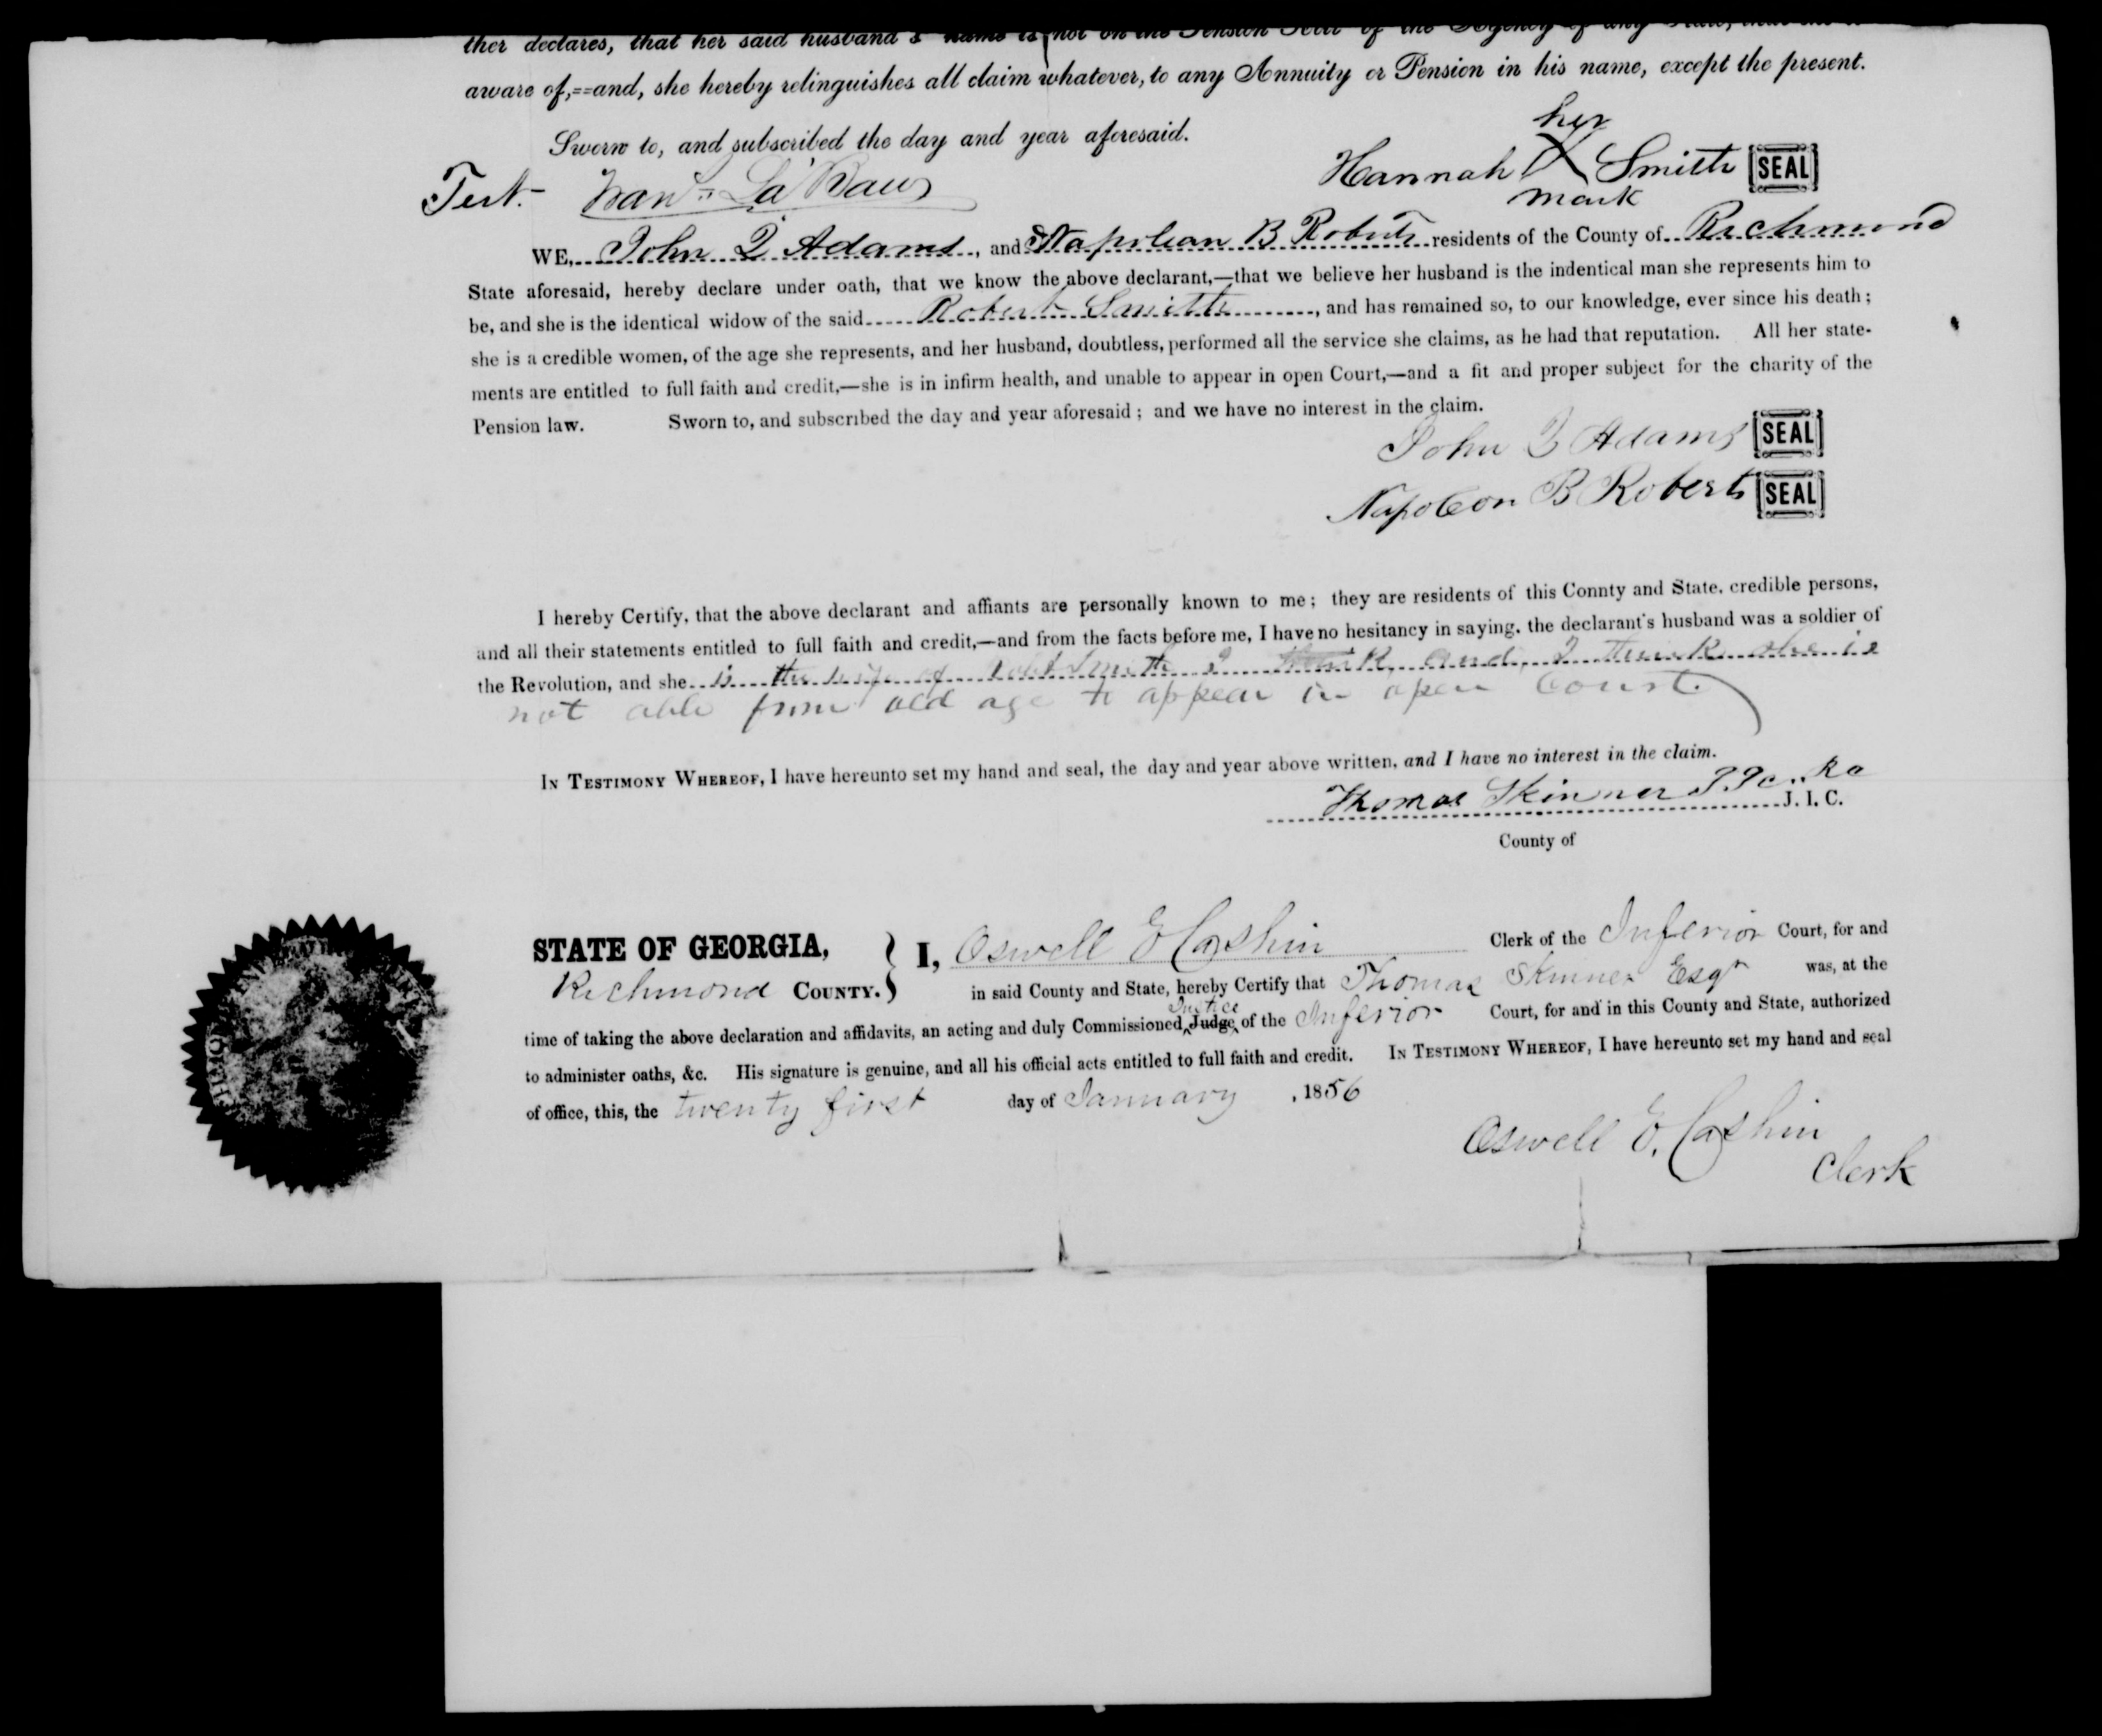declares, that her said husband's name is not on the Pension Roll of the Agency of any State, that she is aware of, and, she hereby relinquishes all claim whatever, to any Annuity or Pension in his name, except the present.

Sworn to, and subscribed the day and year aforesaid.
Test. Manl. La Baws
Hannah Smith her mark X (SEAL)

WE, John Q Adams, and Napolean B Roberts residents of the County of Richmond and State aforesaid, hereby declare under oath, that we know the above declarant, that we believe her husband is the identical man she represents him to be, and she is the identical widow of the said Robert Smith and has remained so, to our knowledge, ever since his death; she is a credible women, of the age he represents, and her husband, doubtless, performed all the service she claims, as he had that reputation. All her statements are entitled to full faith and credit, she is in infirm health, and unable to appear in open Court, and a fit and proper subject for the charity of the Pension law. Sworn to, and subscribed the day and year aforesaid; and we have no interest in the claim.

John Q Adams (SEAL)
Napoleon B Roberts (SEAL)

I hereby Certify, that the above declarant and affiants are personally known to me; they are residents of this County and State, credible persons, and all their statements entitled to full faith and credit, and from the facts before me, I have no hesitancy in saying, the declarant's husband was a soldier of the Revolution, and she is the wife of Robt Smith I think and I think she is not able from old age to appear in open Court.
IN TESTIMONY WHEREOF, I have hereunto set my hand and seal, the day and year above written, and I have no interest in the claim
Thomas Skinner JJC RC J.I.C.
County of

STATE OF GEORGIA,  
Richmond COUNTY.
I, Oswell G Cashin Clerk of the Inferior Court, for and in said County and State, hereby Certify that Thomas Skinner Esqr. was, at the time of taking the above declaration and affidavits, an acting and duly Commissioned Justice of the Inferior Court, for and in this County and State, authorized to administer oaths, &c. His signature is genuine, and all his official acts entitled to full faith and credit. IN TESTIMONY WHEREOF, I have hereunto set my hand and seal of office, this the twenty first day of January, 1856
Oswell G. Cashin
Clerk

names: Hannah Smith; Oswell E Cashin; Napoleon B Roberts; Thomas Skinner; John Q Adams; Oswell E Cashin; Napolean B Roberts; Robert Smith; Thomas Skinner; John Q Adams; Robt Smith; Frans La Baw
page: 4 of 28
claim: rejected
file: R. 9744, for Robert Smith, South Carolina